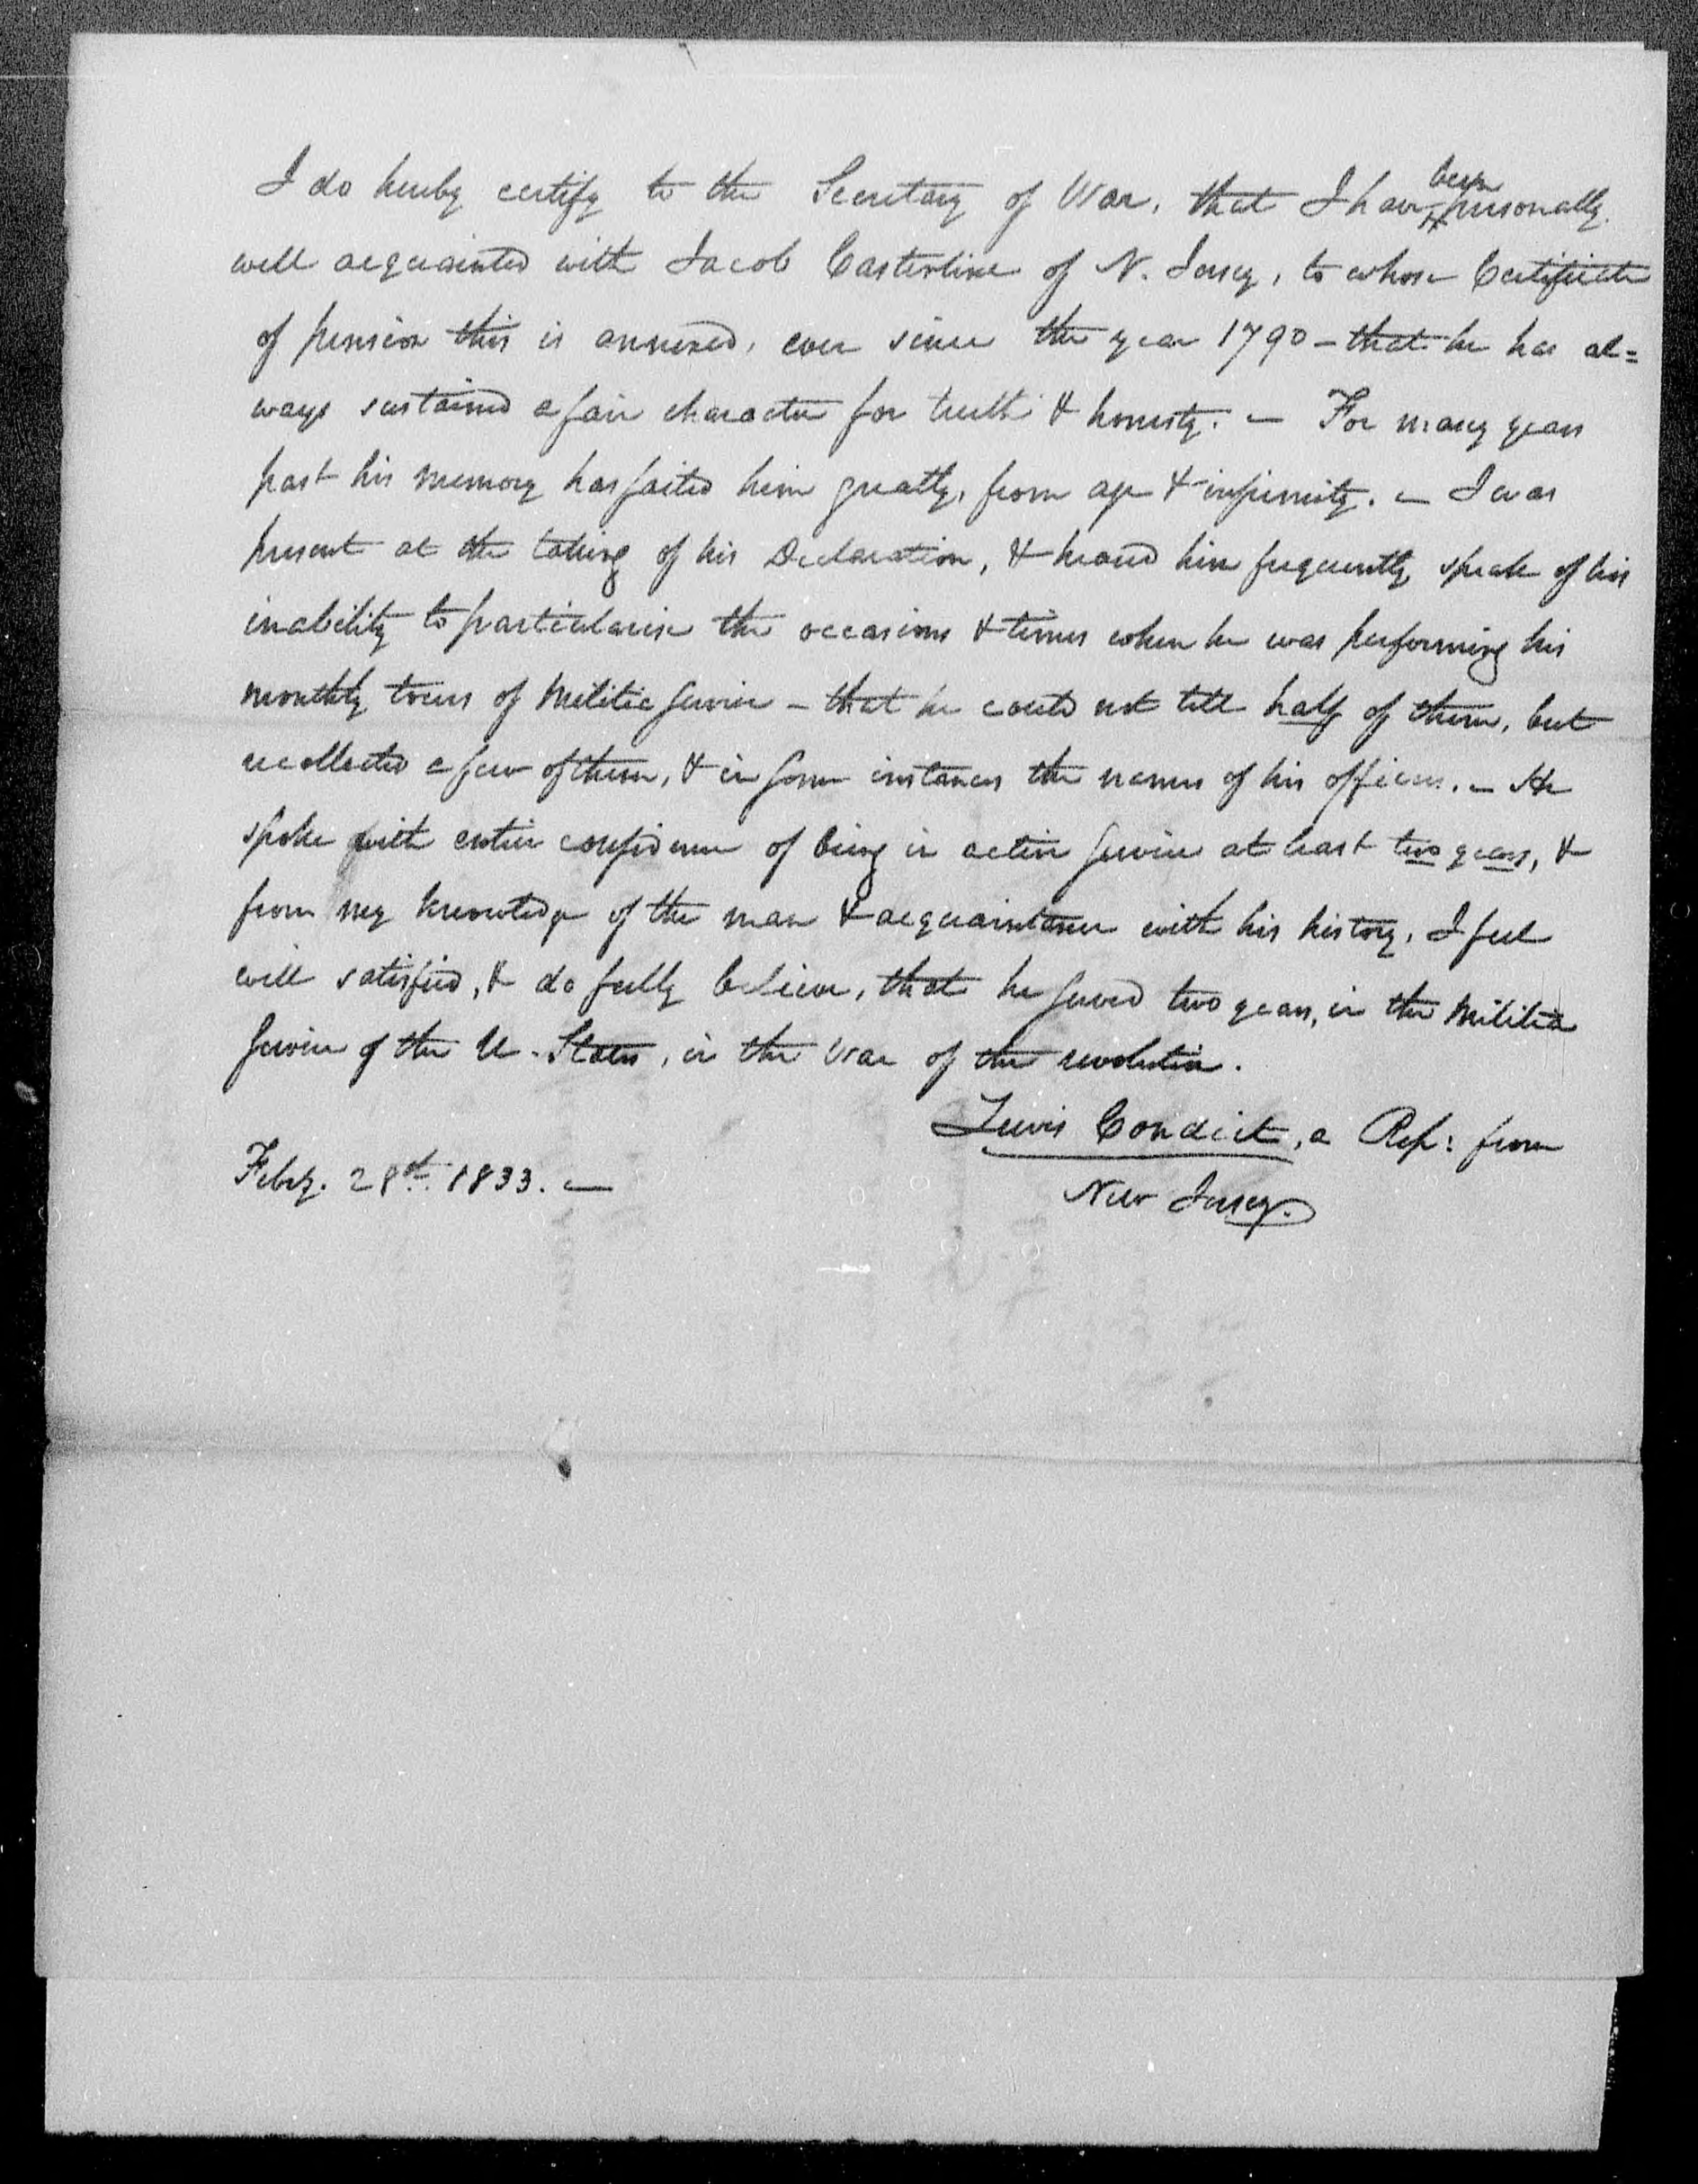I do hereby certify to the Secretary of War, that I have been personally well acquainted with Jacob Casterline of N. Jersey to whom a certificate of pension this is answered, ever since the year 1790 - that he has always sustained a fair character for truth and honesty.  For many years past his memory has failed him greatly, from age and infirmity.  I was present at the taking of his Declaration, and heard him frequently spoke of his inability to particular in the occasions and times when he was performing his monthly tour of militia service - that he counts not the half of them but recollects a few of them and in four instances the names of his officers.  He spoke with entire confidence of being in active service at least two years and from my knowledge of the man and acquaintance with his history, I feel well satisfied and do fully believe that he served two years in the militia service of the U. States in the war of the revolution.  

February 28th, 1833
Lewis Condict, a Rep. from New Jersey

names: Jacob Casterline, Lewis Condict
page: 32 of 38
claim: widow's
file: W. 6644, Jacob Casterline, New Jersey